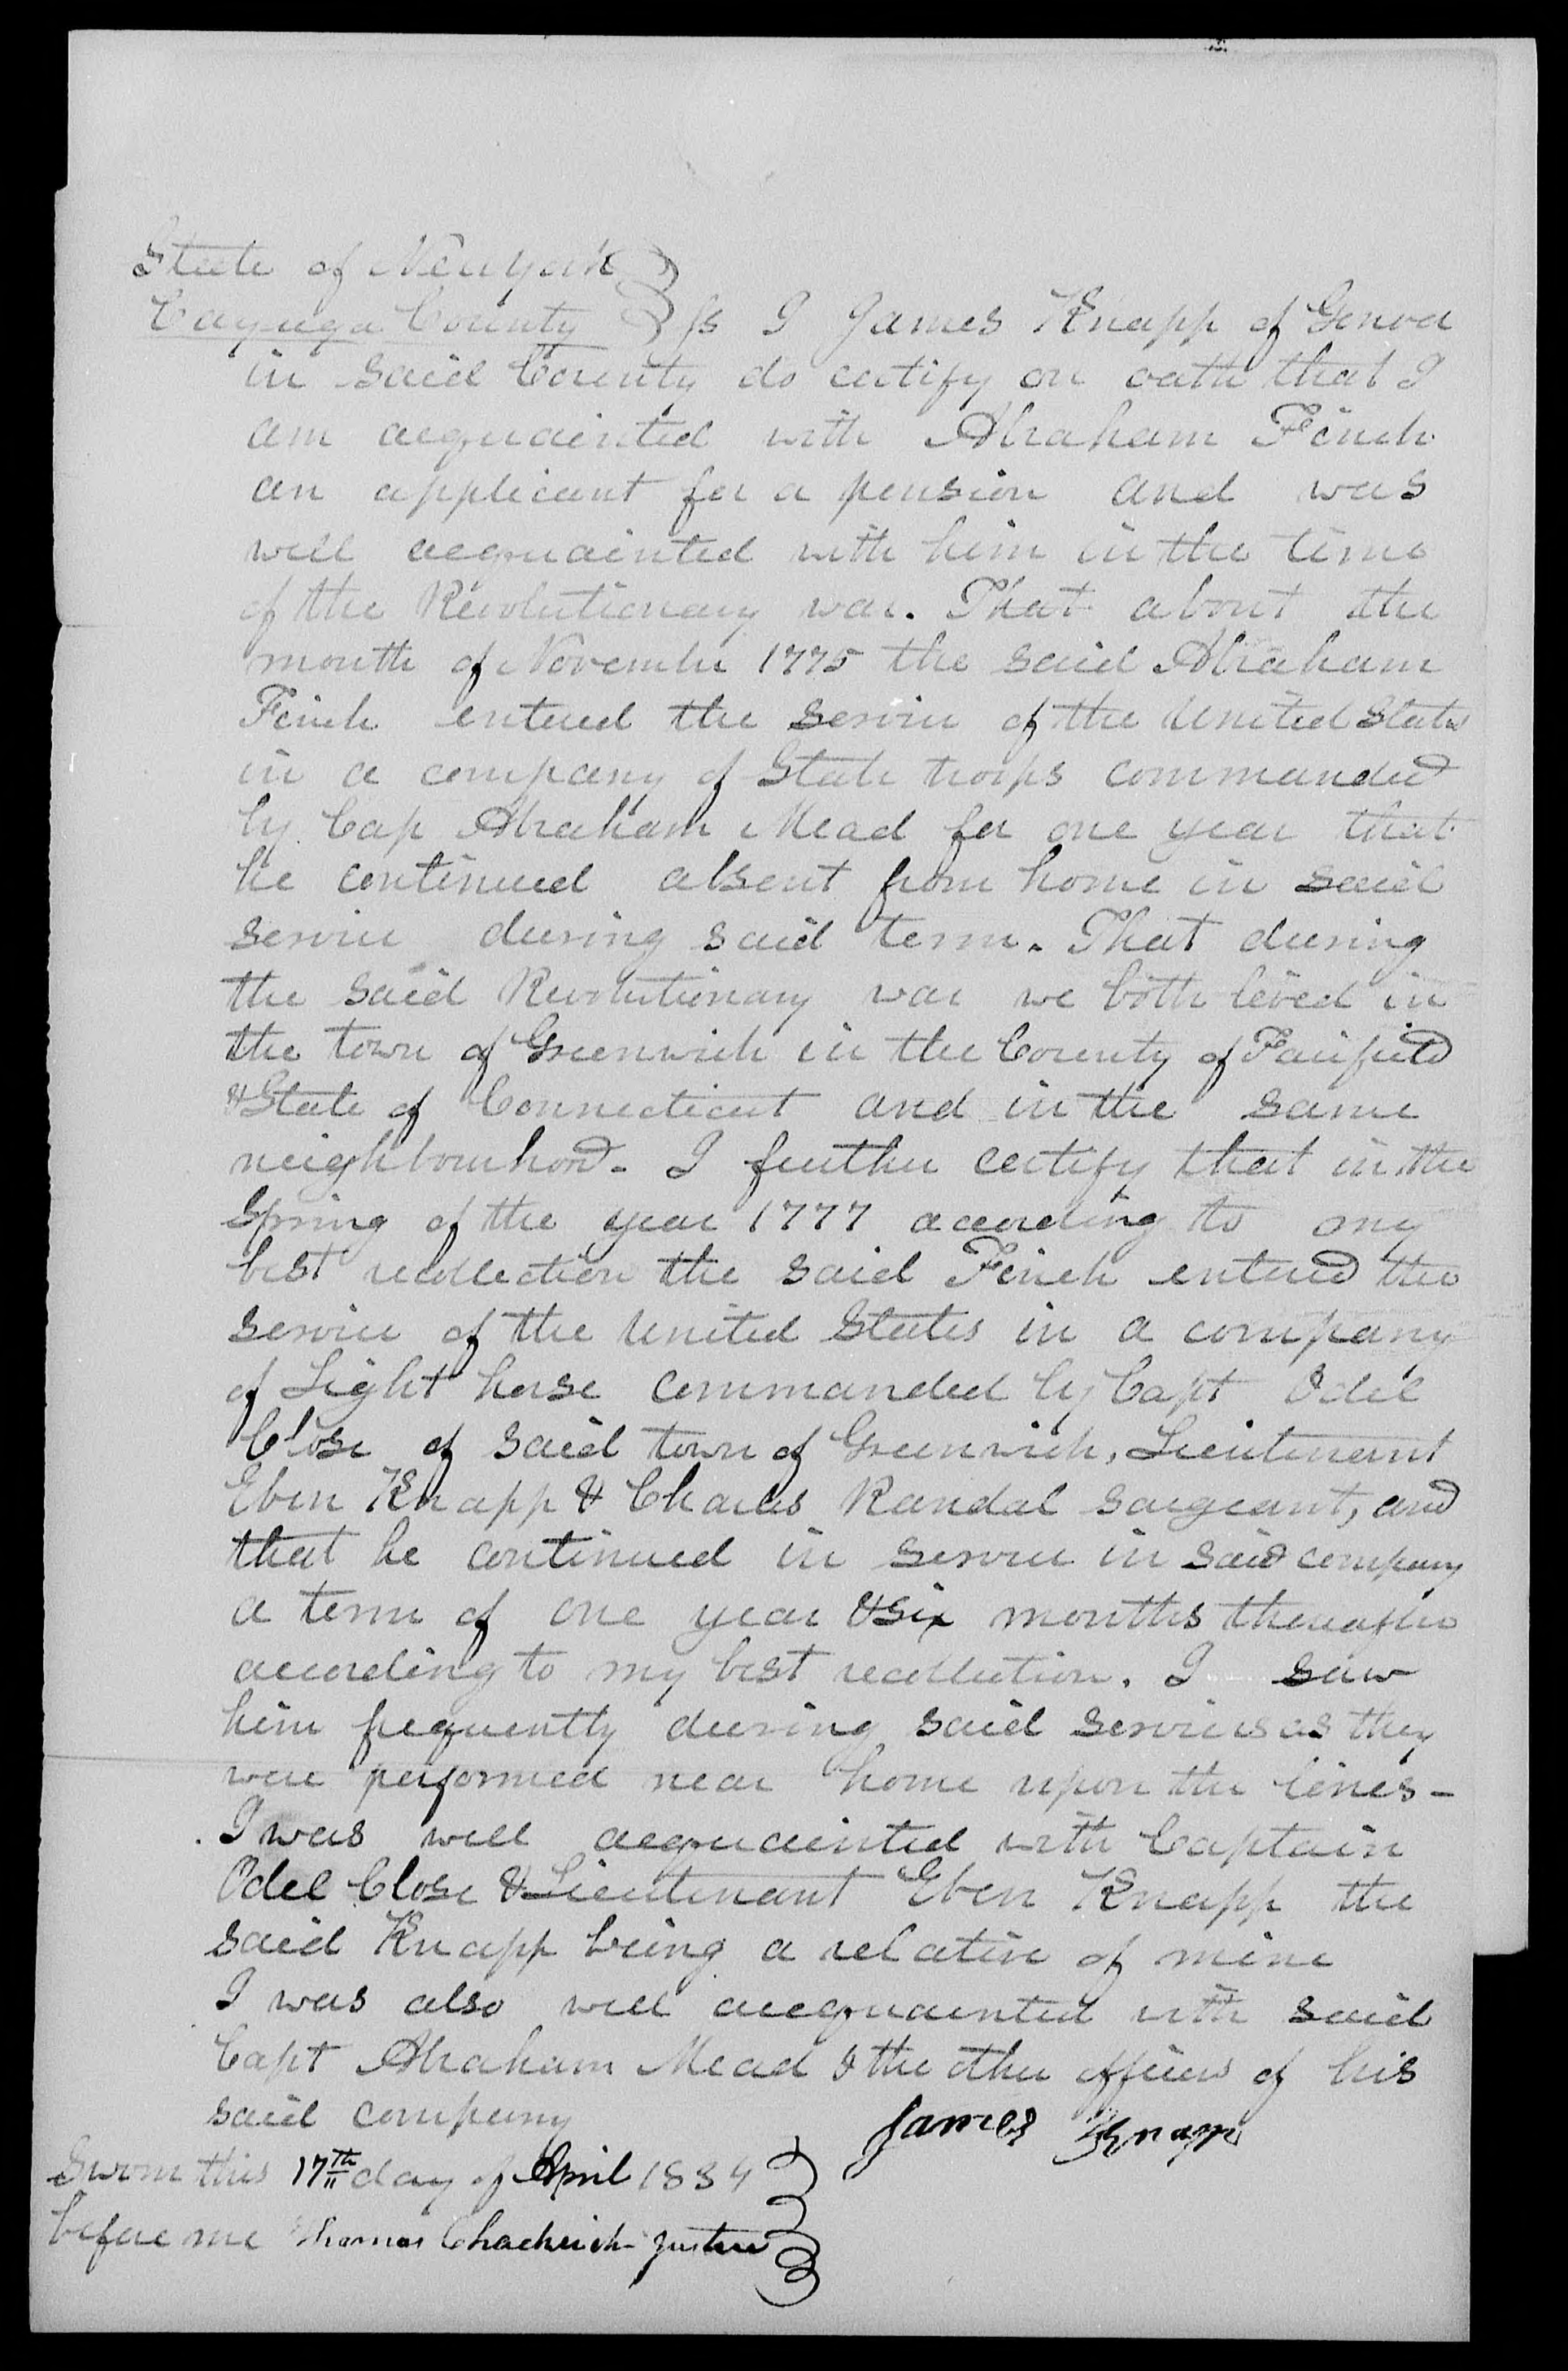State of New York
Cayuga County   I James Knapp of Genoa in said county do certify on oath that I am acquainted with Abraham Finch an applicant for a pension and was well acquainted with him in the time of the Revolutionary war. That about the month of November 1775 the said Abraham Finch entered the service of the United States in a company of State troops commanded by Cap Abraham Mead for one year that he continued absent from home in said service during said term. That during the said Revolutionary war we both lived in the town of Greenwich in the County of Fairfield   in the State of Connecticut and in the same neighborhood. I further certify that in the spring of the year 1777 according to my best recollection the said Finch entered the service of the Unity States in a company of Ligh horse commanded by Capt. Odel Close of said town of Greenwich, Lieutenant Eben Knapp and Charles Randal Sargeant, and that he continued in service in said company a term of one year and six months thereafter according to my best recollection. I saw him frequently during said service as they were performed near home upon the lines. I was well acquainted with Captain Odel Close and Lieutenant Eben Knapp the said Knapp being a relative of mine. I was also well acquainted with said Capt. Abraham Mead and the other officers of his said company.    James Knapp
Sworn this 17th day of April 1834
before me Thomas Chadwick Justice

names: Abraham Mead, Finch, Odel Close, Abraham Mead, Abraham Finch, Knapp, James Knapp, Odel Close, Charles Randal, Thomas Chadwick, Abraham Finch, Eben Knapp, Eben Knapp, James Knapp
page: 25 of 35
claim: survivor's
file: S. 28727, Abraham Finch, Conn.